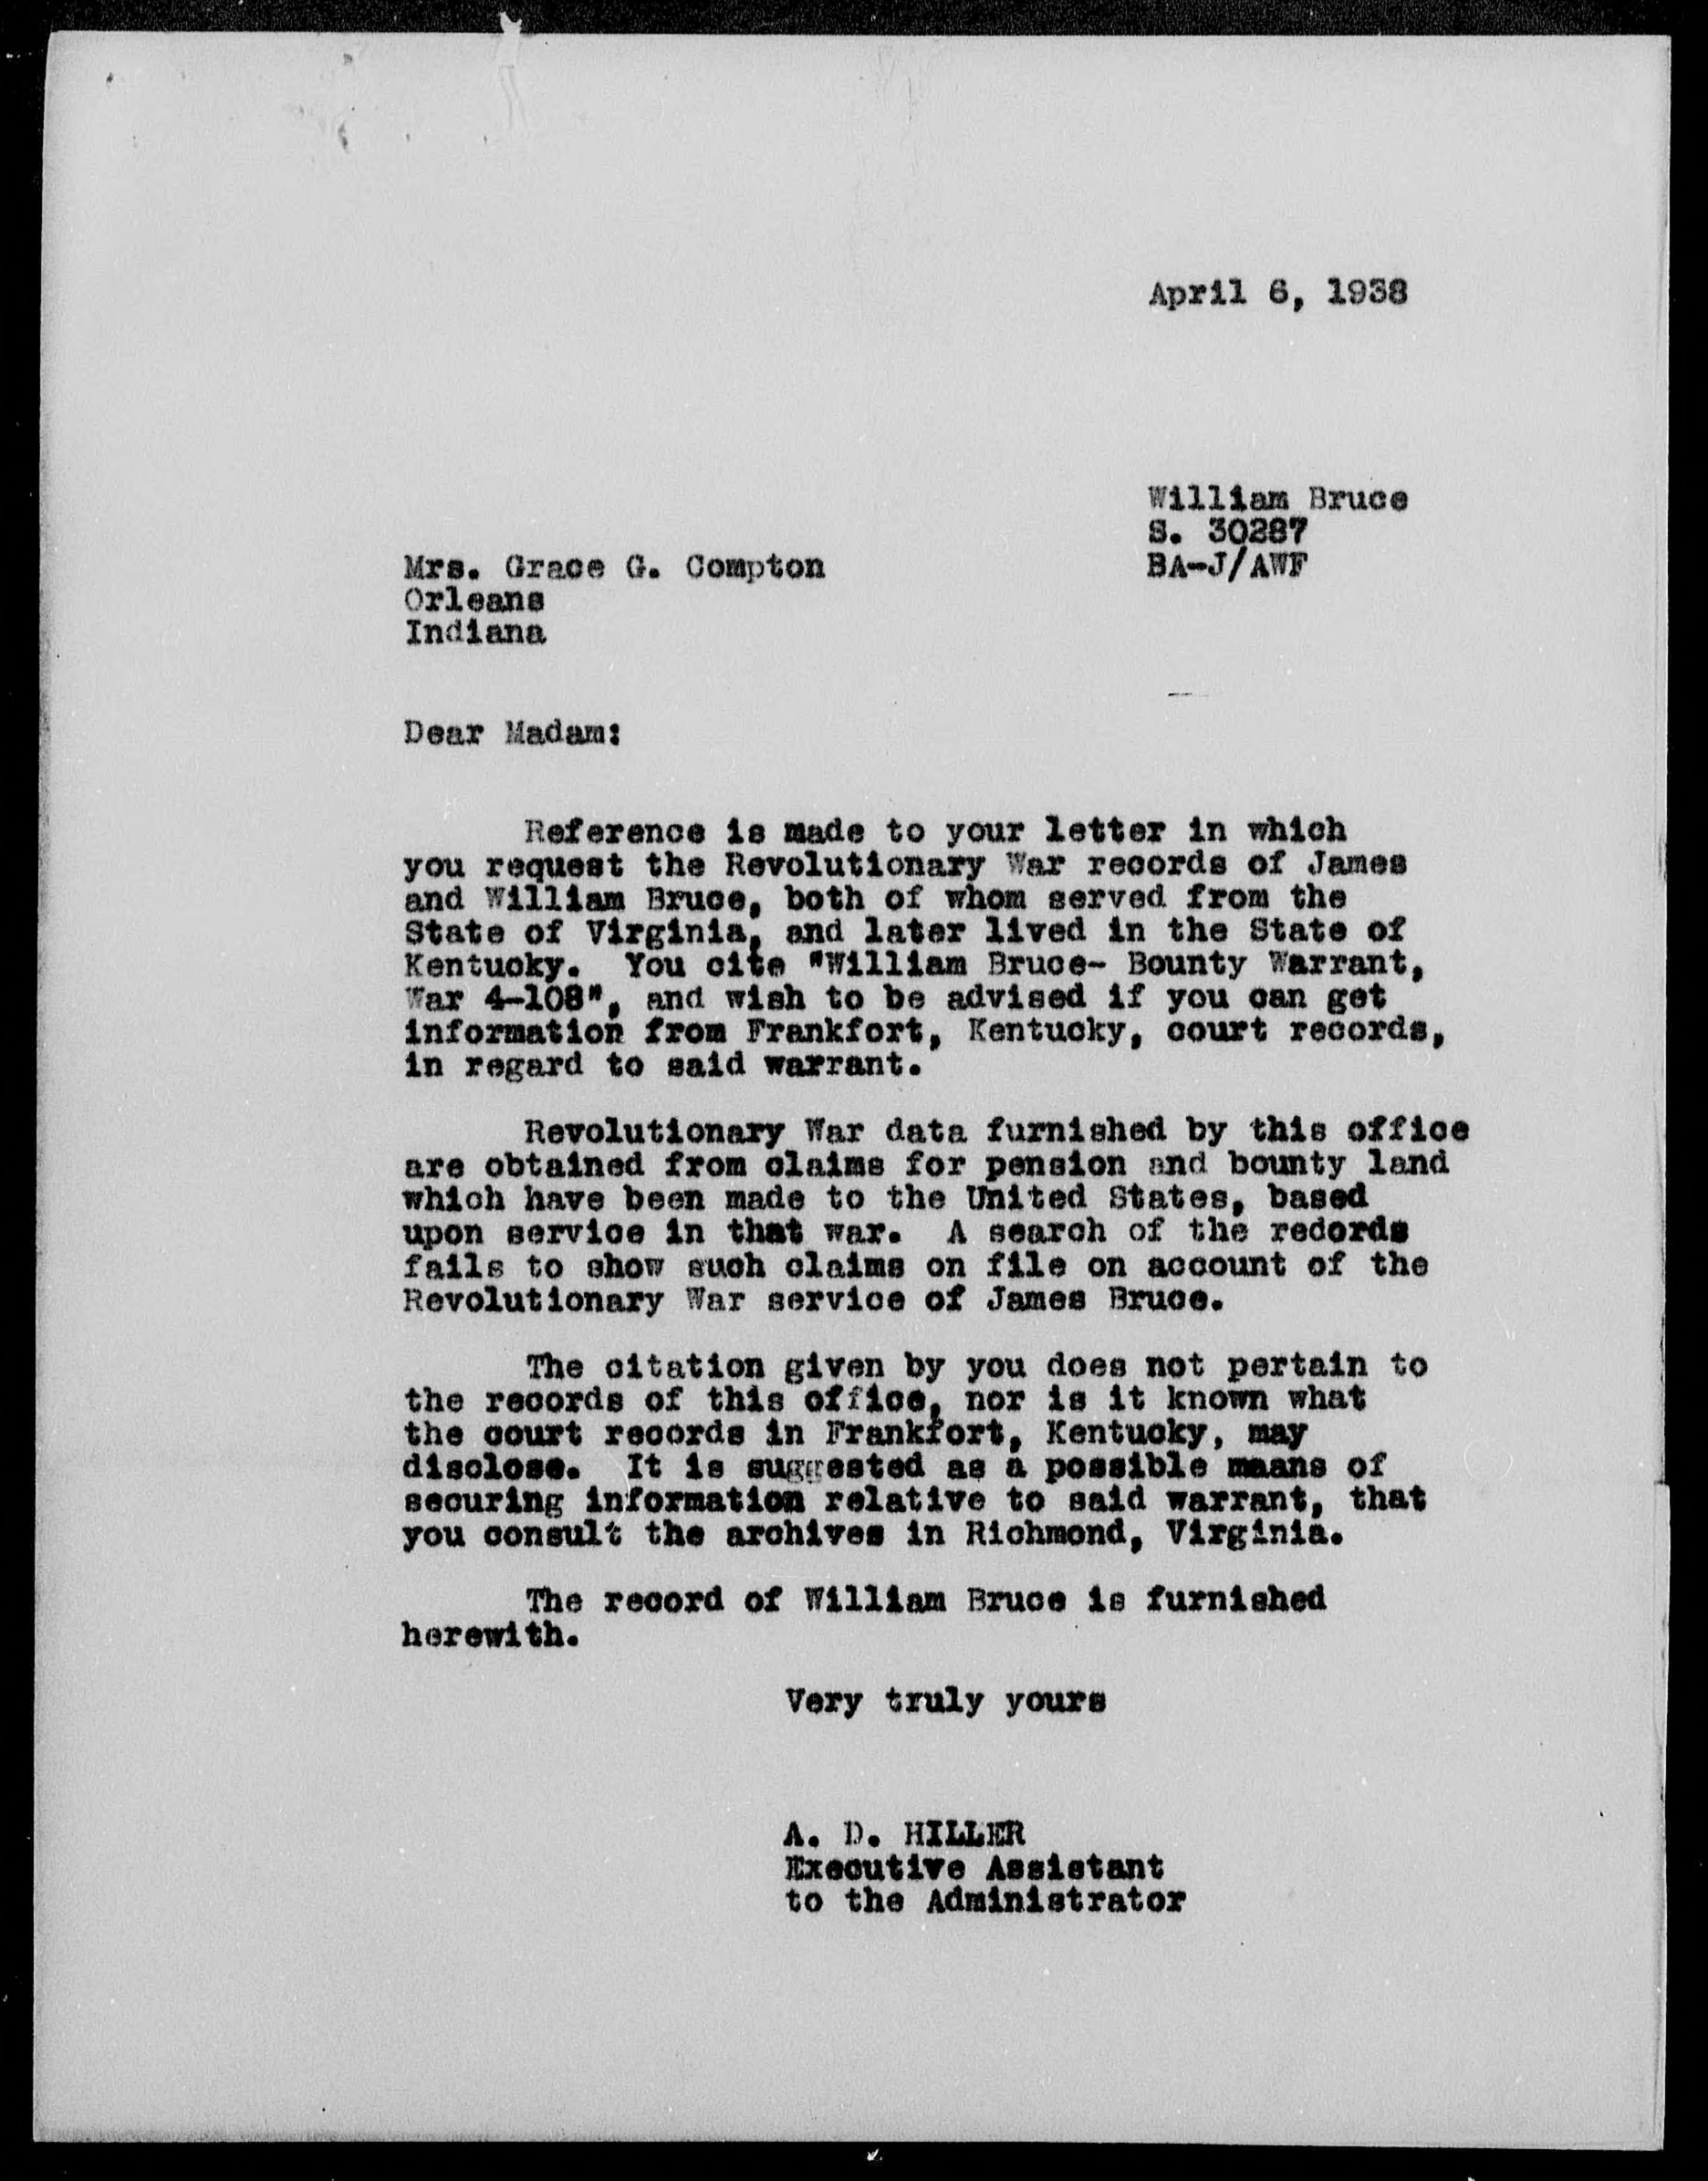[typed form]

April 6, 1938 

William Bruce S. 39287 BA-J/AWF

Mrs. Grace G. Compton 
Orleans Indiana 

Dear Madam: 

Reference is made to your letter in which you request the Revolutionary War records of James and William Bruce, both of whom served from the State of Virginia, and later lived in the State of Kentucky. You cite "William Bruce - Bounty Warrant War 4-108", and wish to be advised if you can get information from Frankfort, Kentucky, court records, in regard to said warrant.

Revolutionary War data furnished by this office are obtained from claims for pension and bounty land which have been made to the United States, based upon service in that war. A search of the records fails to show such claims on file on account of the Revolutionary War service of James Bruce. 

The citation given by you does not pertain to the records of this office, nor is it known what the court records in Frankfort, Kentucky, may disclose. It is suggested as a possible means of securing information relative to said warrant, that you consult the archives in Richmond, Virginia. 

The record of William Bruce is furnished herewith. 

Very truly yours 

A. D. HILLER 
Executive Assistant 
to the Administrator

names: James Bruce, Grace G Compton, William Bruce, A D Hiller, James Bruce, William Bruce, William Bruce, William Bruce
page: 45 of 54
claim: survivor's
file: S. 30287, William Bruce, N.C.